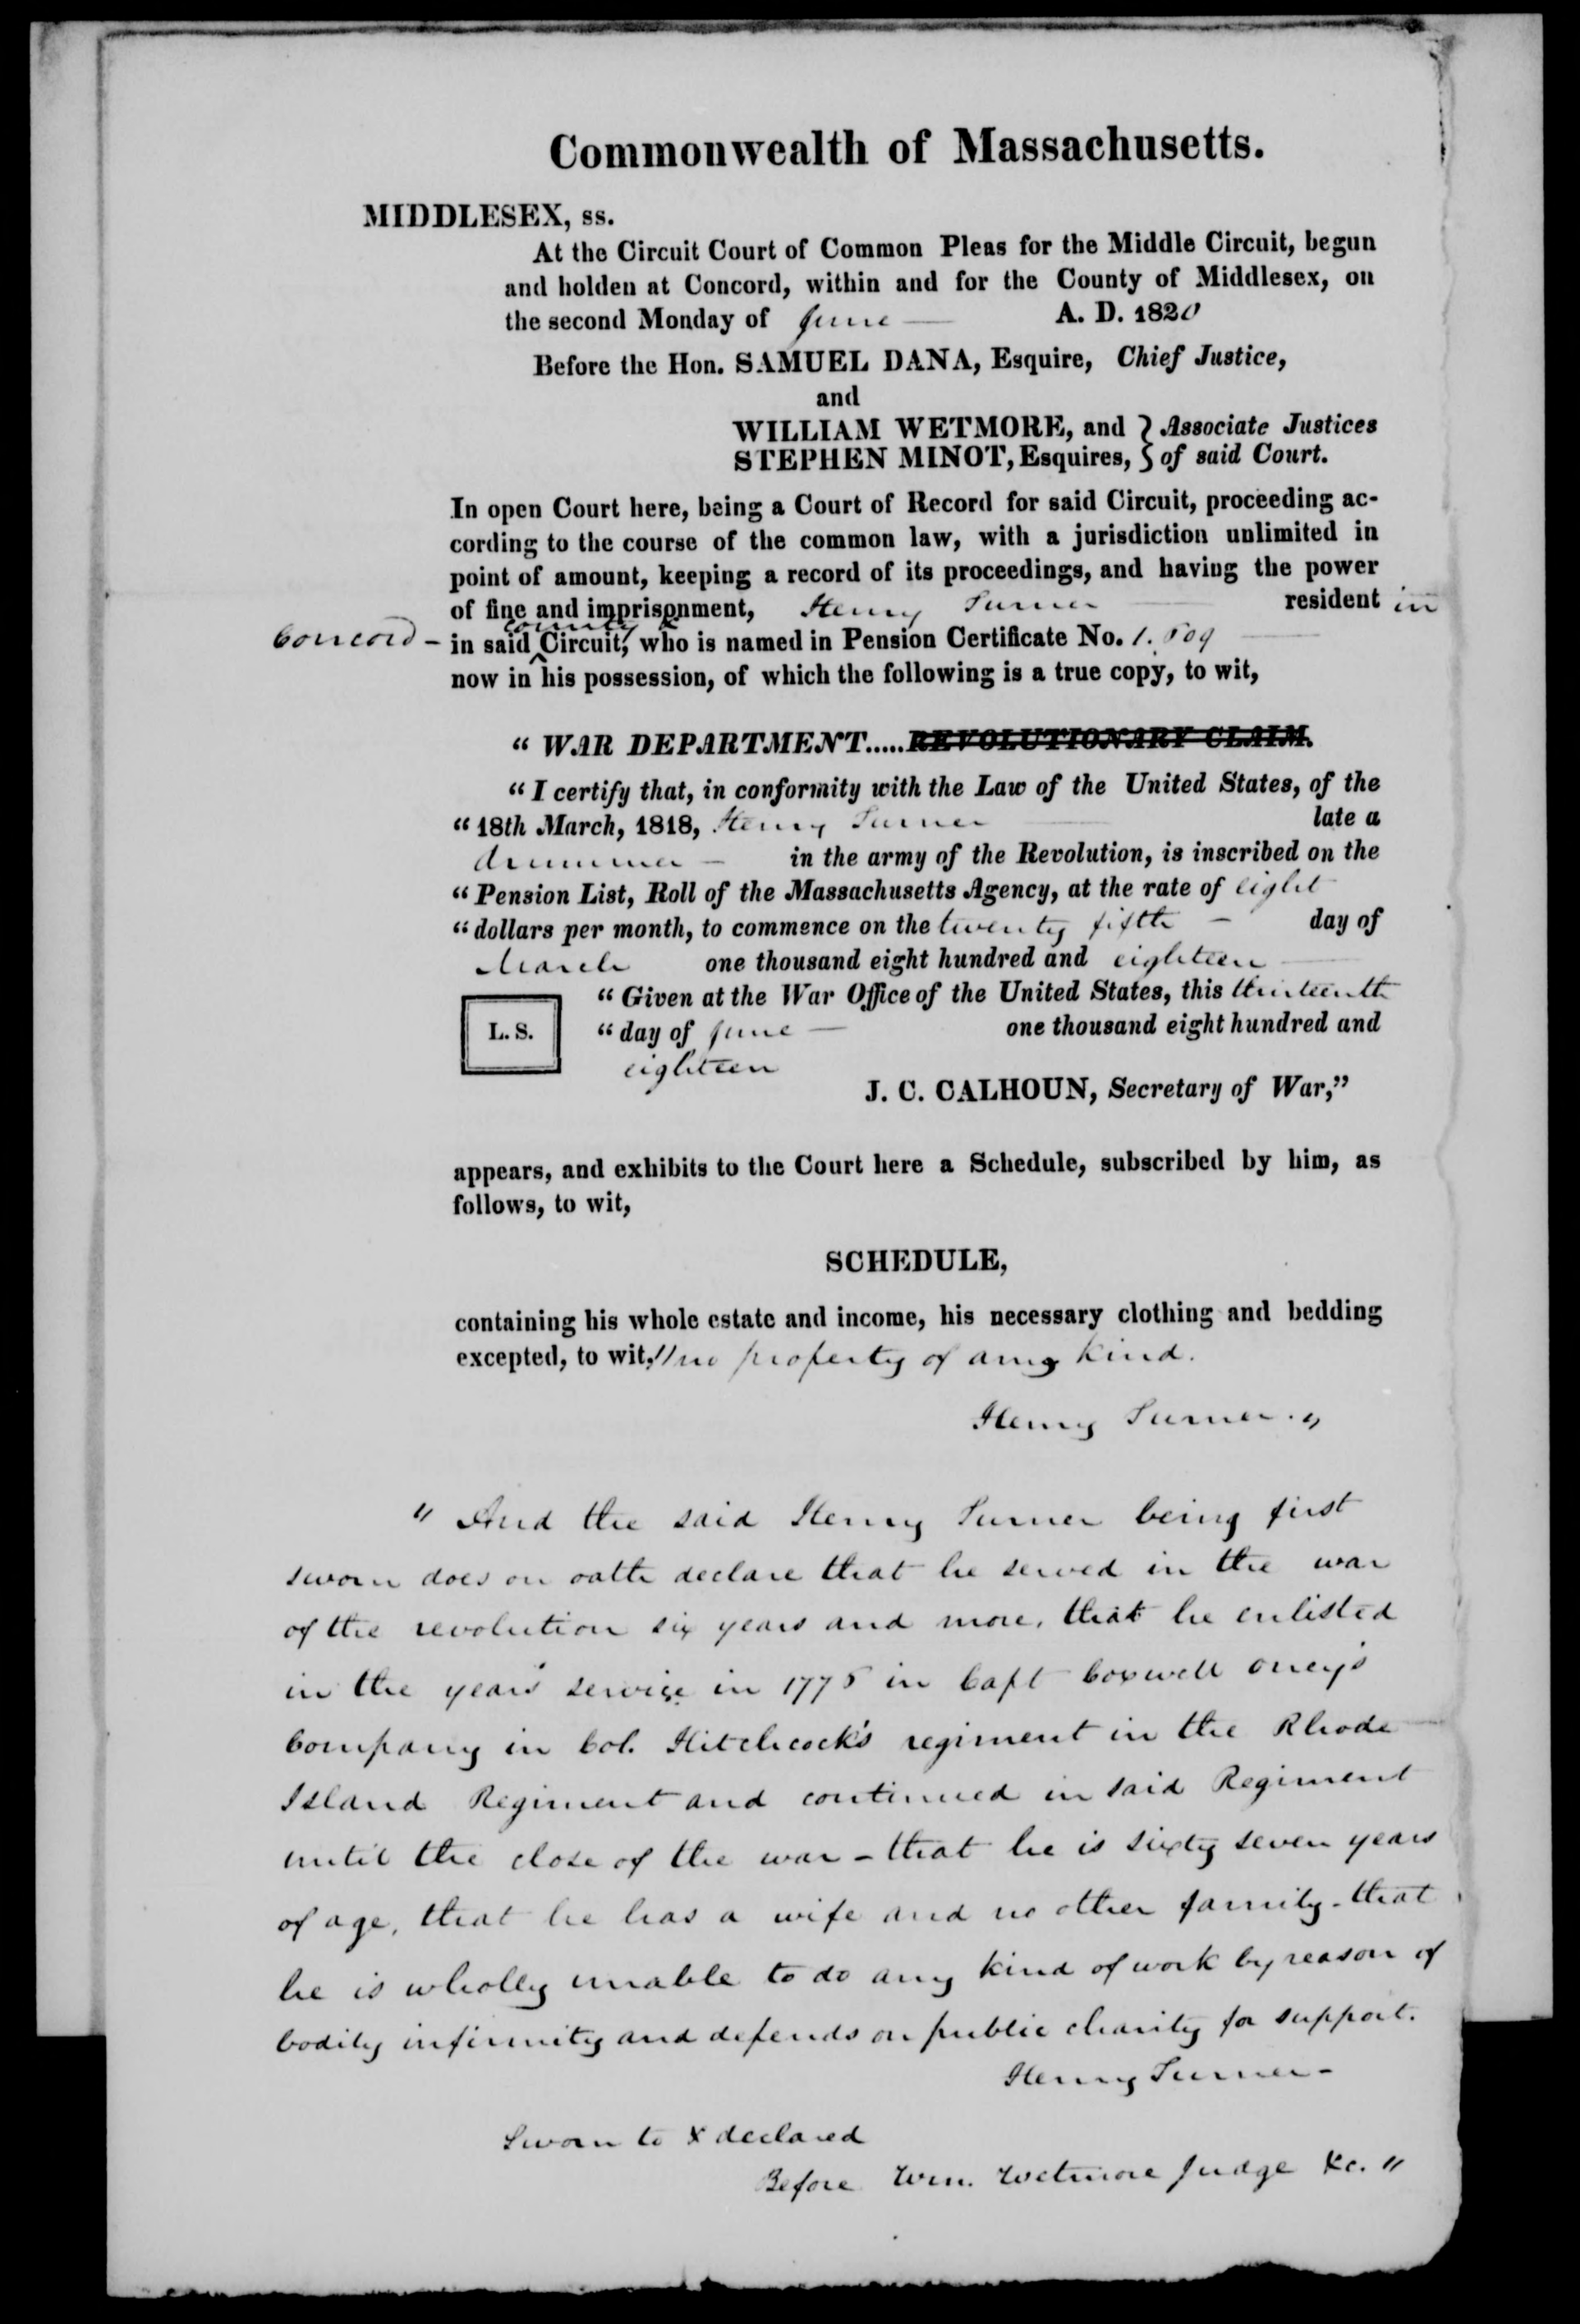Commonwealth of Massachusetts [bold, centered]

MIDDLESEX, ss.

At the Circuit Court of Common Pleas for the Middle Circuit, begun and holden at Concord, within and for the County of Middlesex, on the second Monday of June - A.D. 1820

Before the Hon. SAMUEL DANA, Esquire, Chief Justice ["chief justice" italics]
and 
WILLIAM WETMORE, and.   } Associate Justices ["associate justices of said court" italics]
STEPHEN MINOT,  Esquires } of said Court.

In open Court here, being a Court of Record for said Circuit, proceeding according to the course of the common law, with a jurisdiction unlimited in point of amount, keeping a record of its proceedings, and having the power of fine and imprisonment, Henry Turner resident in Concord - in said County Circuit, who is named in Pension Certificate No. 1. 609 now in his possession, of which the following is a true copy, to wit,

"WAR DEPARTMENT ....... REVOLUTIONARY CLAIM. ["revolutionary claim" crossed out]

"I certify that, in conformity with the Law of the United States, of the
"18th March, 1818, Henry Turner - late a drummer in the army of the Revolution, is inscribed on the 
"Pension List, Roll of the Massachusetts Agency, at the rate of eight
"dollars per month, to commence on the twenty fifth - day of March one thousand eight hundred and eighteen
"Given at the War Office of the United States, this thirteenth
"day of June one thousand eight hundred and eighteen

[L.S. typed in a double bordered text box]

J.C. CALHOUN, Secretary of War," ["secretary of war" italics]
appears, and exhibits to the Court here a Schedule, subscribed by him, as follows, to wit,

SCHEDULE [centered]
containing his whole estate and income, his necessary clothing and bedding excepted, to wit, no property of any kind.
Henry Turner

"And the said Henry Turner being first sworn does on oath declare that he served in the war of the revolution six years and m0ore, that he enlisted in the years service in 1776 in Capt Coxwell Oney's Company in Col. Hitchcock's regiment in the Rhode Island Regiment and continued in said Regiment until the close of the war - that he is sixty seven years of age, that he has a wife and no other family. that he is wholly unable to do any kind of work by reason of bodily infirmity and depends on public charity for support.
Henry Turner

Sworn to & declared
Before Wm. Wetmore Judge Kc."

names: Stephen Minot, Samuel Dana, Henry Turner, Henry Turner, Henry Turner, Henry Turner, William Wetmore, Henry Turner, J C Calhoun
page: 6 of 11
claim: survivor's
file: S. 33842, Henry Turner, R.I.